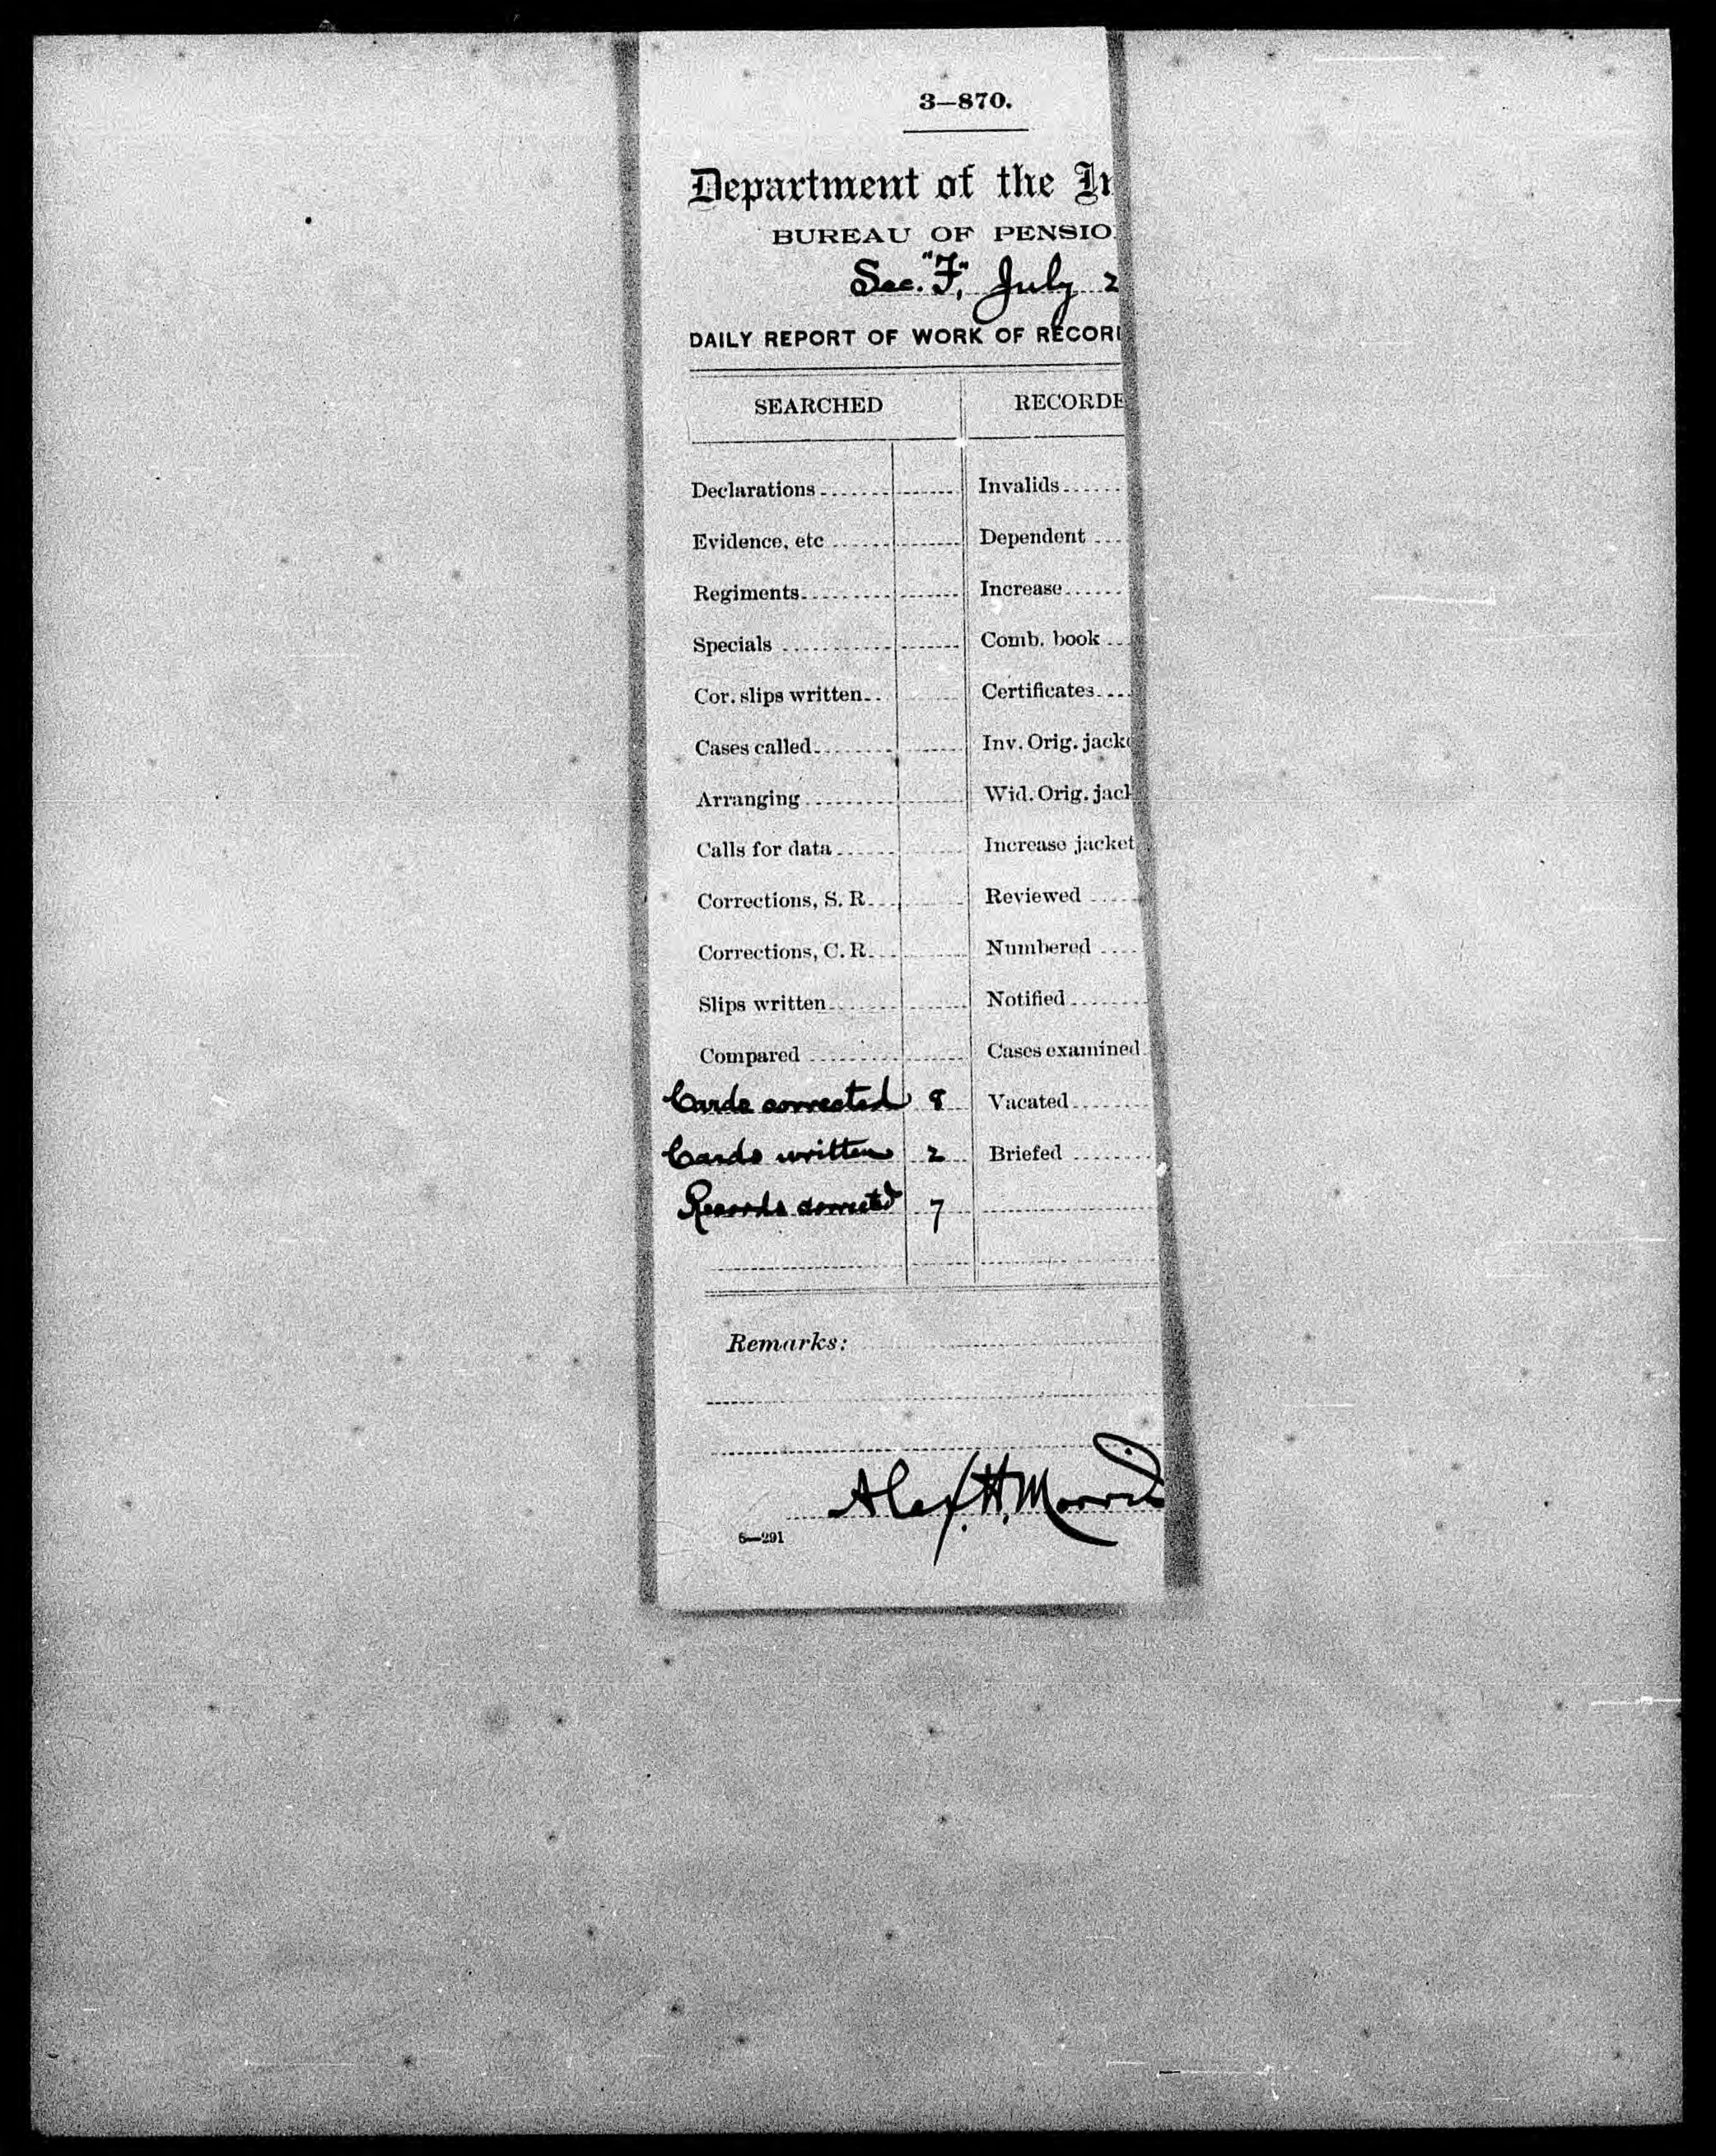[transcription note: only have the page (vertically) was scanned; the cutoff area is indicated with a hyphen in transcription]
3 - 870.
Department of the-
BUREAU OF PENSIO-
Sec. F, July 2-
DAILY REPORT OF WORK OF RECOR-
SEARCHED   RECORDE-
Declarations.....Invalids......-
Evidence, etc......Dependent....-
Regiments.....Increase.....-
Specials.....Comb. book.....-
Cor. slips written.....Certificates.....-
Cases called.....Inv. Orig. jacket.....-
Arranging.....Wid. Orig. jac.....-
Calls for data.....Increase jacke.....-
Corrections, S. R.....Reviewed.....-
Corrections, C. R......Numbered.....-
Slips written.....Notified.....-
Compared.....Cases examin-
Cards corrected 8 Vacated.....-
Cards written 2 Briefed.....-
Records corrected 7
Remarks:
[signed]Alex H.Morick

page: 29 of 59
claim: widow's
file: W 3703, for Robert Mc Donald, Pennsylvania